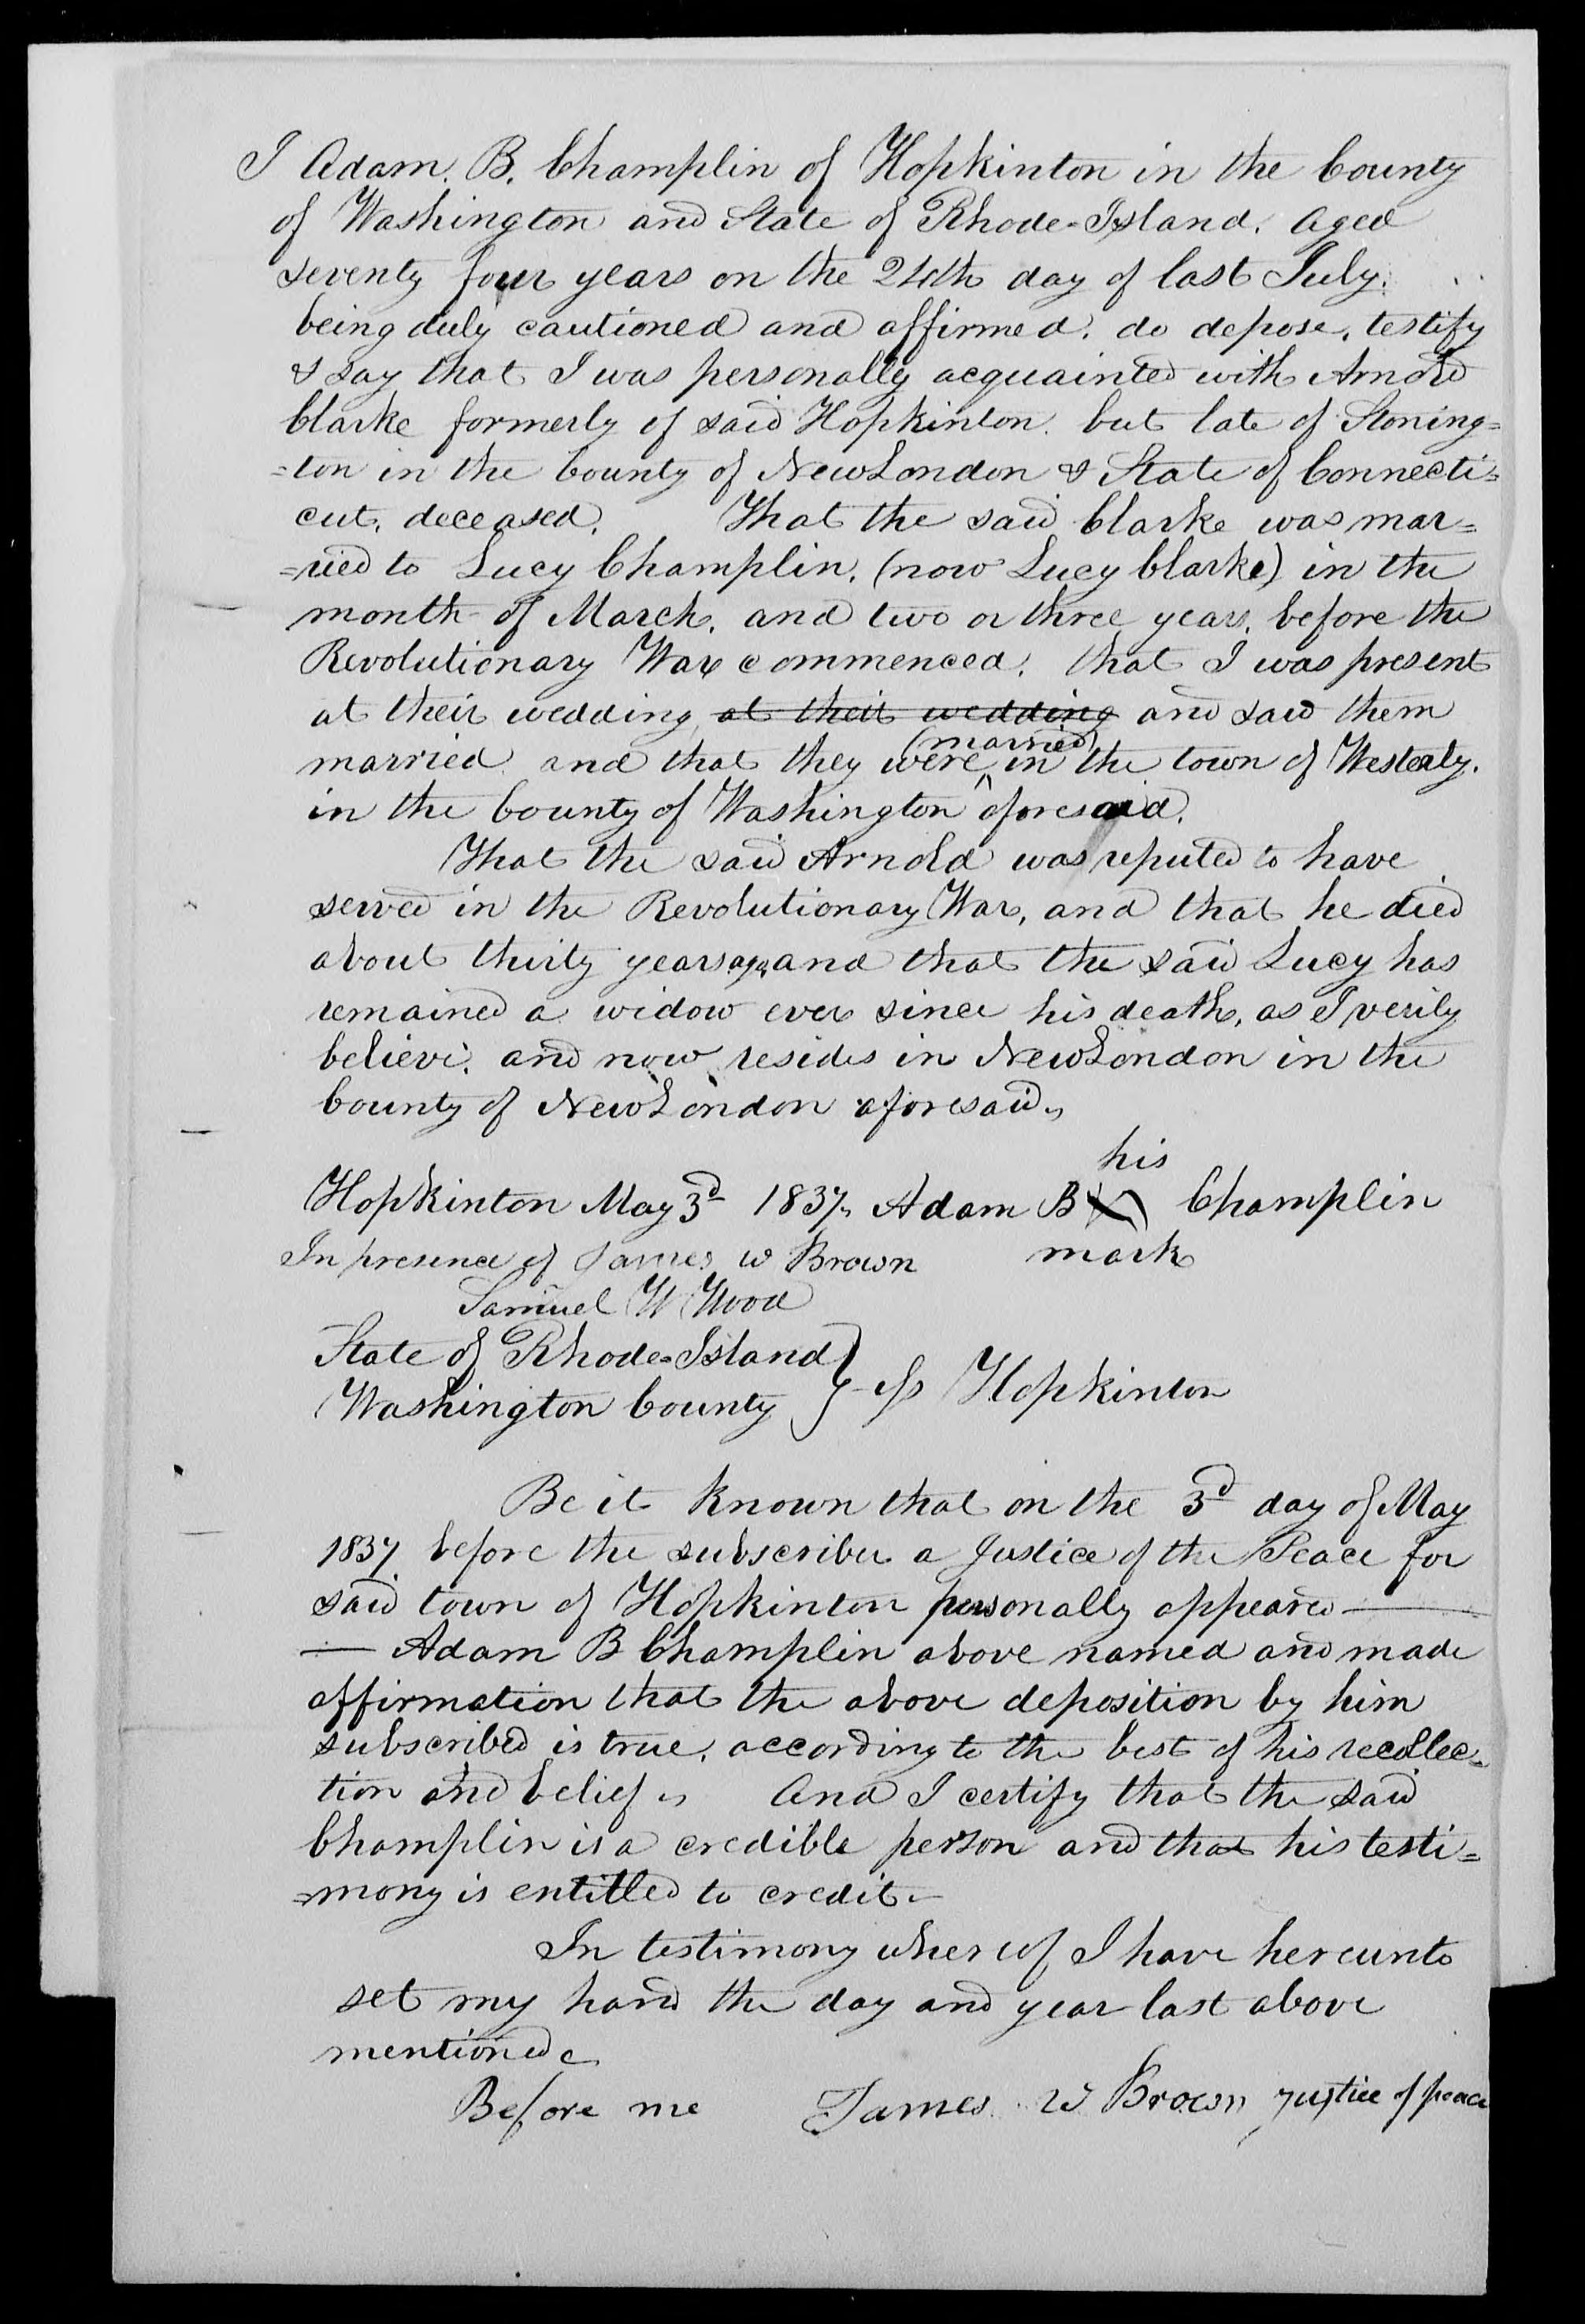I Adam B. Champlin of Hopkinton in the county of Washington and state of Rhode Island, aged seventy four years on the 24th day of last July, being duly cautioned and affirmed, do depose, testify & say that I was personally acquainted with Arnold Clarke formerly of said Hopkinton, but late of Stonington in the county of New London & state of Connecticut, deceased. That the said Clarke was married to Lucy Champlin, (now Lucy Clarke) in the month of March, and two or three years before the Revolutionary commenced. That I was present at their wedding, and saw them married and that they were (married) in the town of Westerly, in the county of Washington aforesaid.
That the said Arnold was reputed to have served in the Revolutionary War, and that he died about thirty years ago, and that the said Lucy has remained a widow ever since his death, as I verily believe, and now resides in New London in the county of New London aforesaid.
Adam B. Champlin - X his mark

Hopkinton May 3d 1837
In presence of James W. Brown
Samuel W. Wood

State of Rhode Island Washington County ss Hopkinton
Be it known that on the 3d day of May 1837 before the subscriber a Justice of the Peace for said town of Hopkinton personally appeared Adam B. Champlin above named and made affirmation that the above deposition by him subscribed is true, according to the best of his recollection and belief. And I certify that the said Champlin is a credible person and that his testimony is entitled to credit.
In testimony whereof I have hereunto set my hand the day and year last above mentioned.
Before me James W. Brown, Justice of Peace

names: Adam B Champlin, Lucy Champlin, Adam B Champlin, Lucy, James W Brown, Lucy Clarke, Hopkinton, Arnold Clarke, James W Brown, Clarke, Arnold, Hopkinton, Adam B Champlin, Samuel W Wood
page: 42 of 48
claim: widow's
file: W. 17,628, Arnold Clarke, R.I.